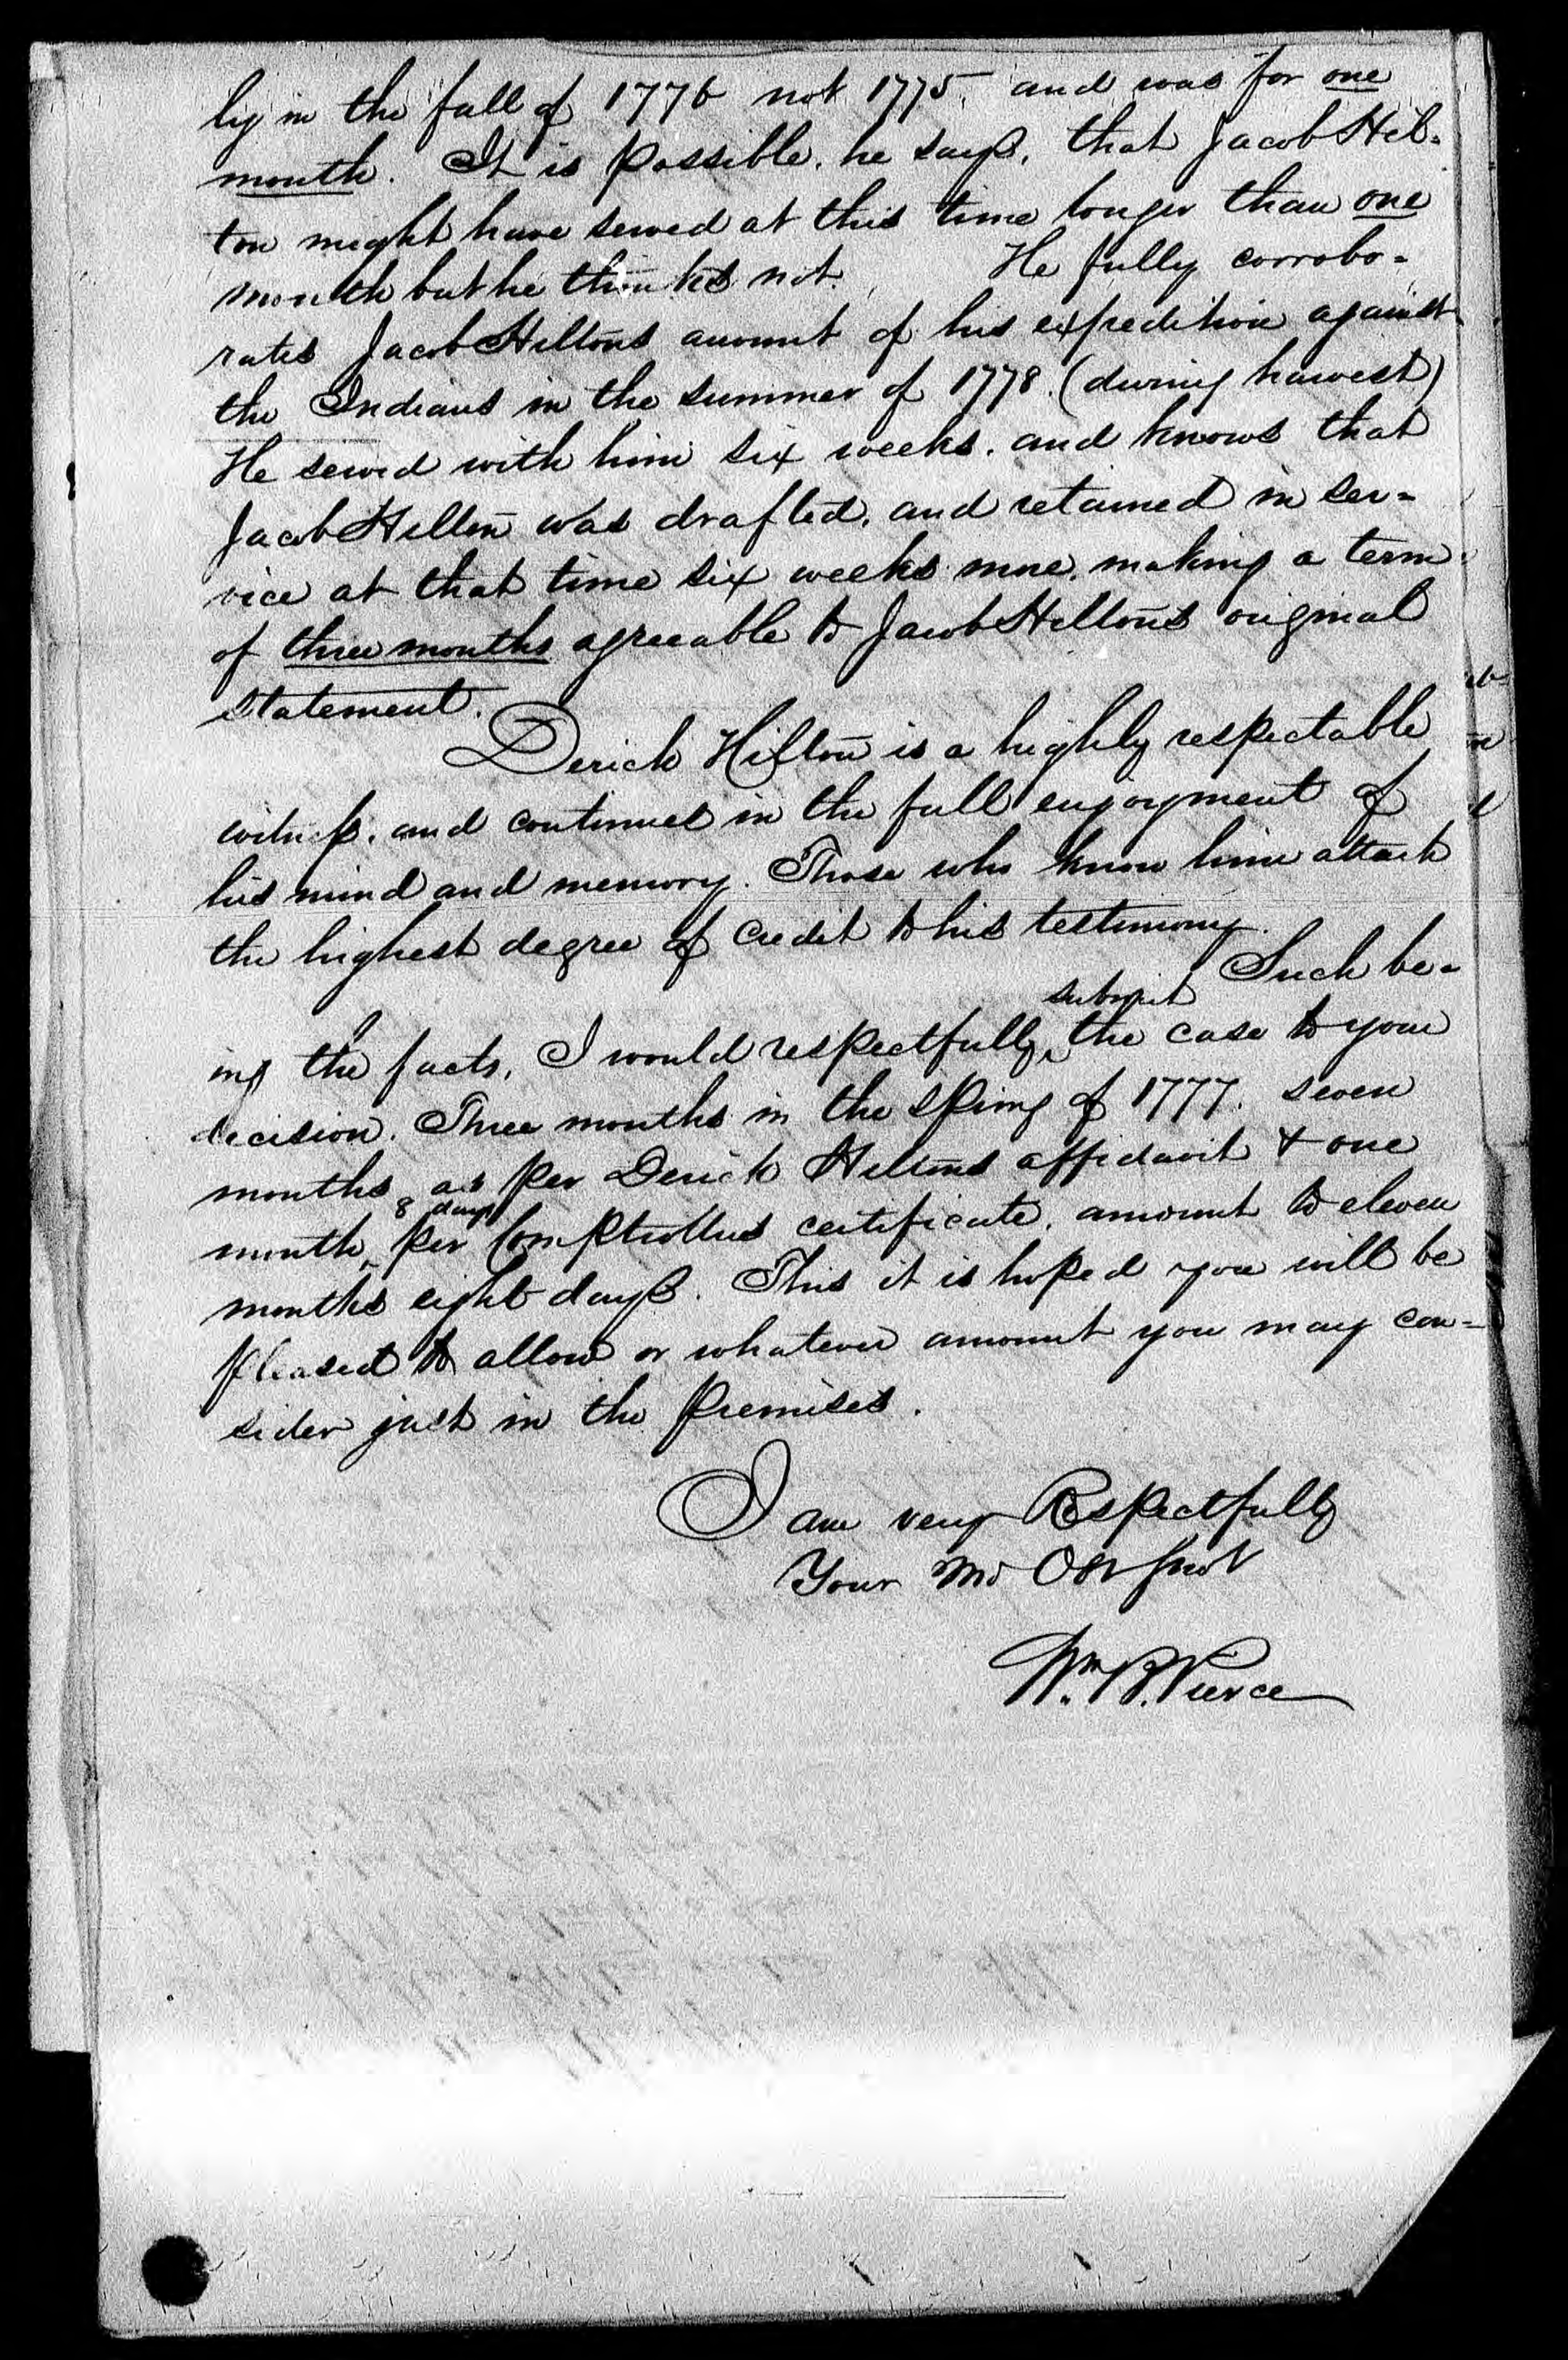by in the fall of 1776 not 1775 and was for one month. It is possible he says, that Jacob too might have saved at this time longer than one month but he thought not. He fully corroborated Jacob Hellon's amount of his expectations against the Indians in the summer of 1778 (during harvest). He served with him six weeks, and knows that Jacob Hellon was drafted and retained in service at that time six weeks more, making it a term of three months agreeable to Jacob Hellons original statement. 
Derrick Hellon is a highly respectable whip and continues in the full enjoyment of his mind and memory. Those who know him attack the highest degree of credit to his testimony. 
Such be a in the facts, I would respectfully subject the case to your decision, three months in the Spring of 1777, seven months as per Derrick Hellons official and one month per completed certificate amount to eleven months eight days. This it is hope of you will be pleased to allow or whatever amount you may consider just in the promised. 
I am very respectfully
Your Mo(st) Ob(edient) Servant
Wm. B. Pearce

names: Jacob Hilton, Derick Hilton, Jacob Hilton, Wm B Pierce, Jacob Hilton, Derick Hilton, Jacob Hilton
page: 23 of 48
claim: widow's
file: W. 19788, Jacob W Hilton, New York